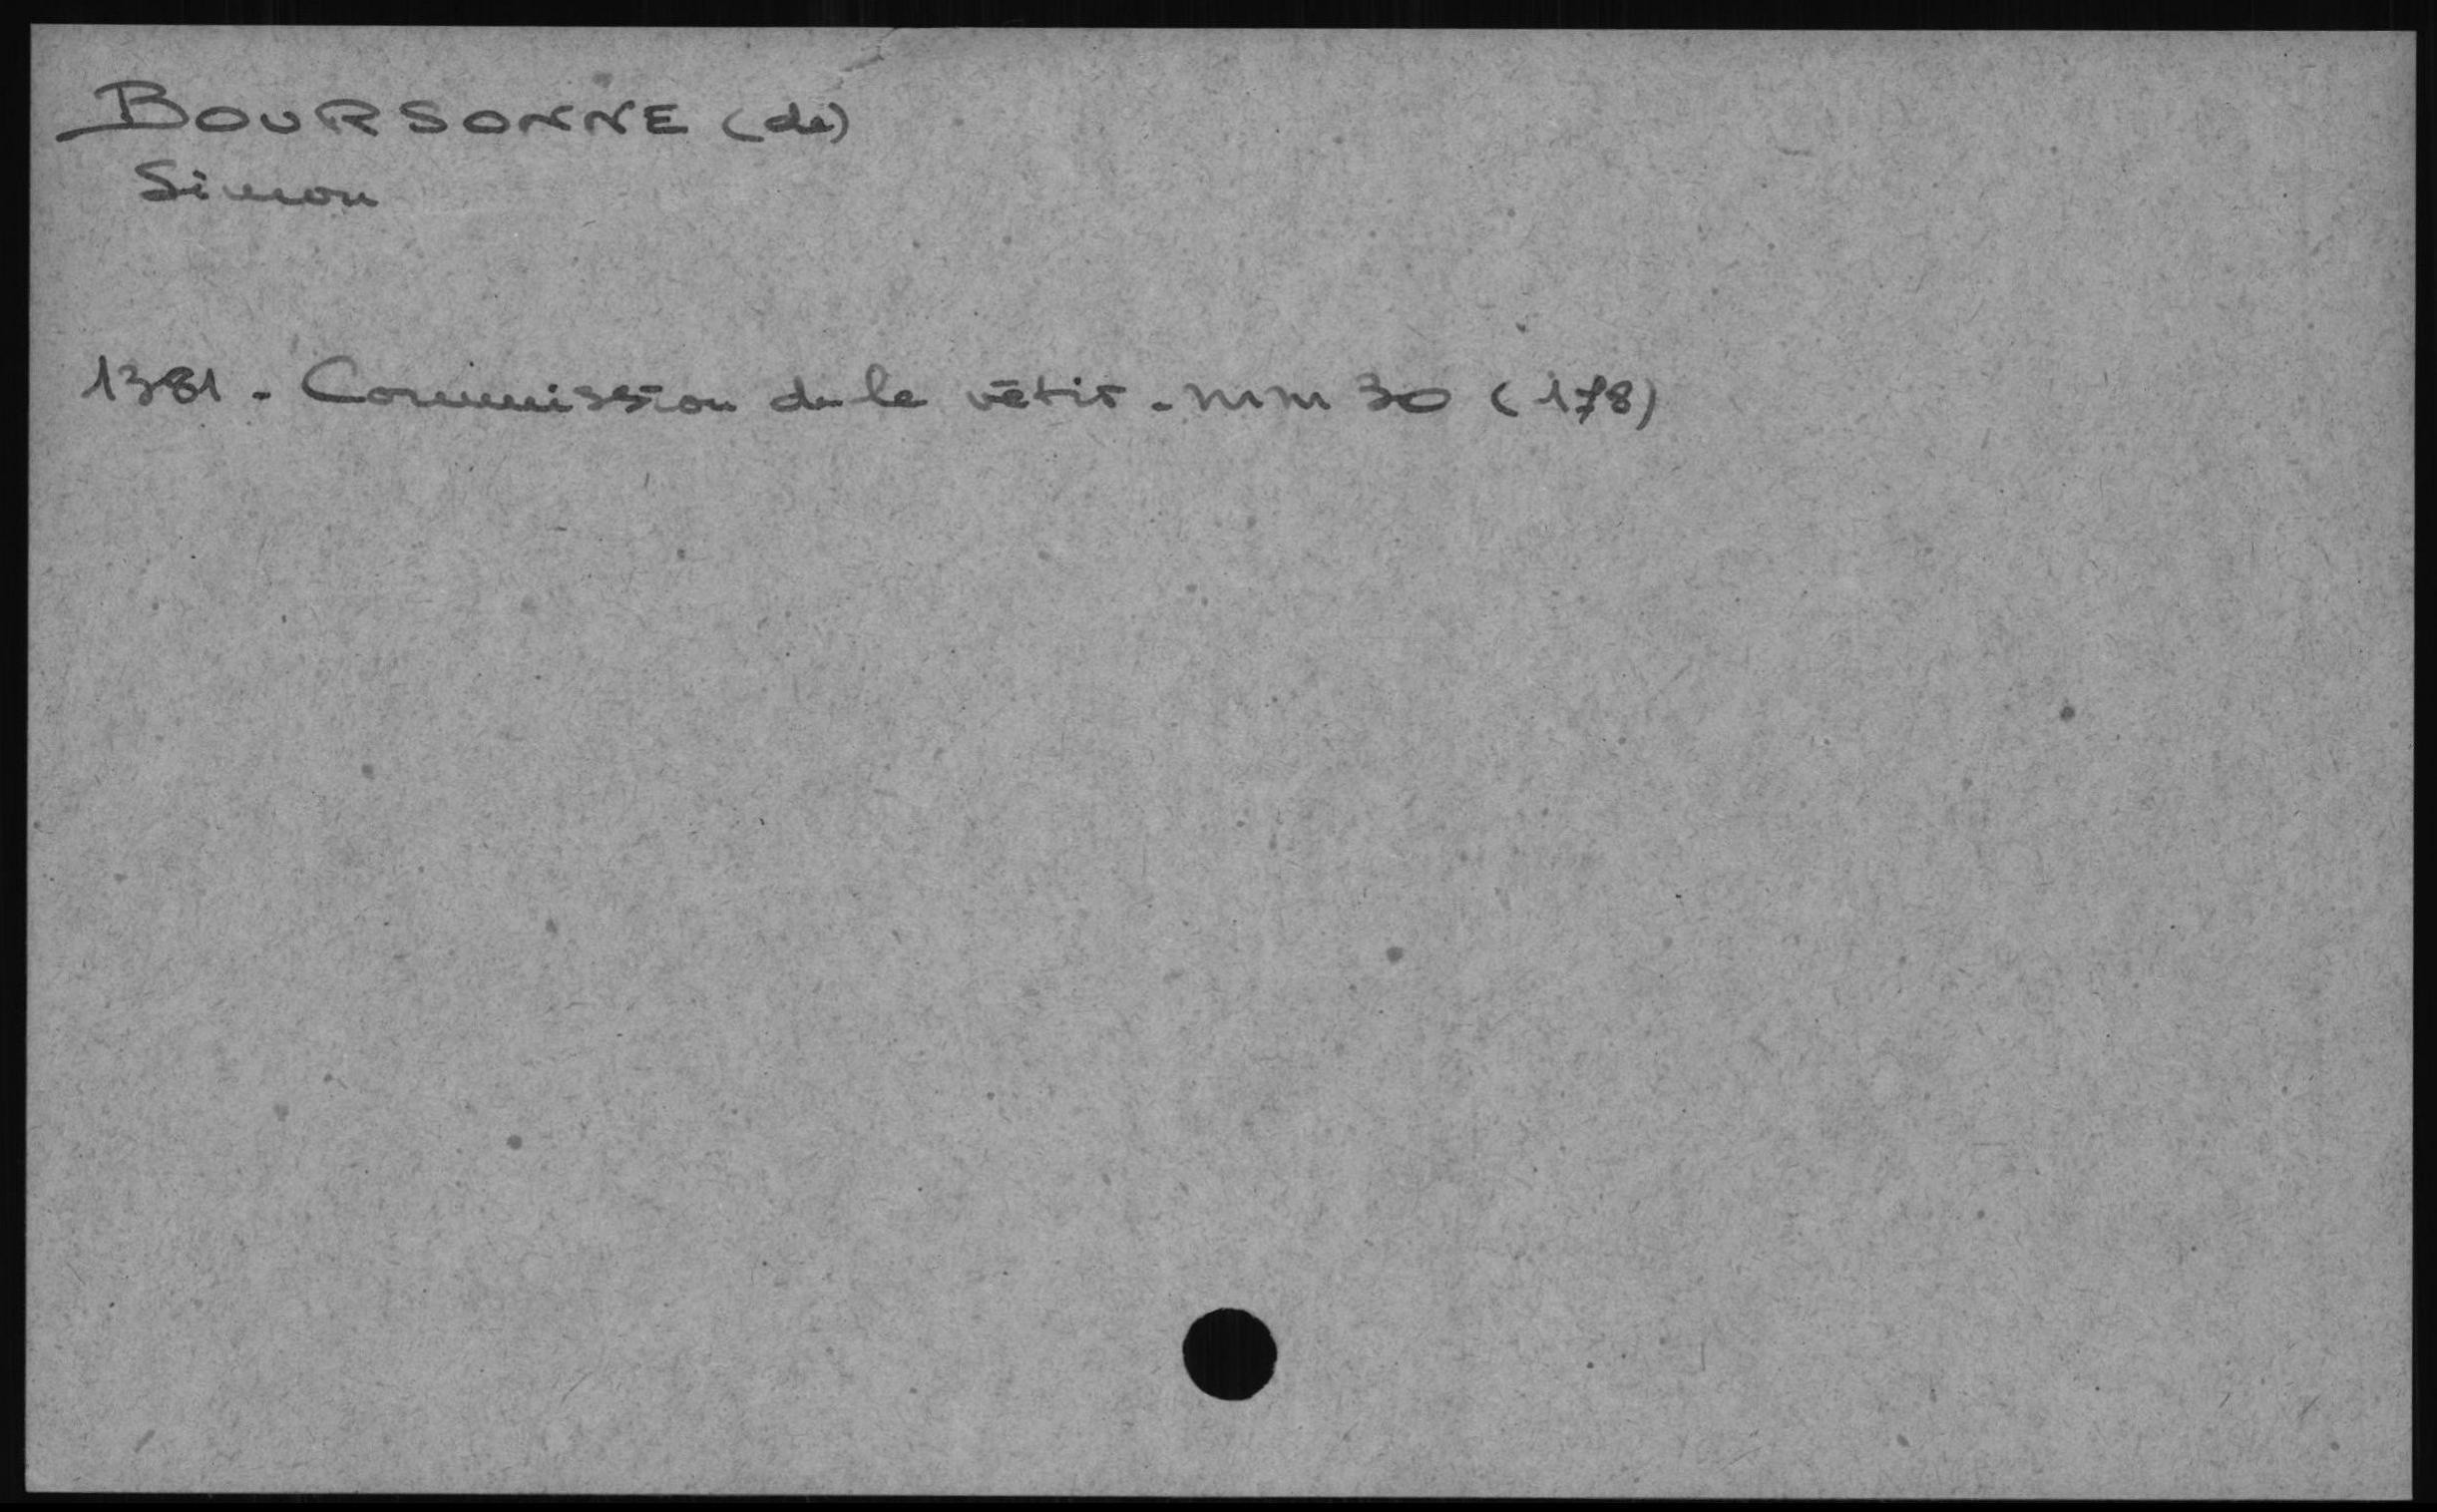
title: BOURBONNE (de) Simon
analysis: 1381. Commission de le vêtir. MM 30 (178)
